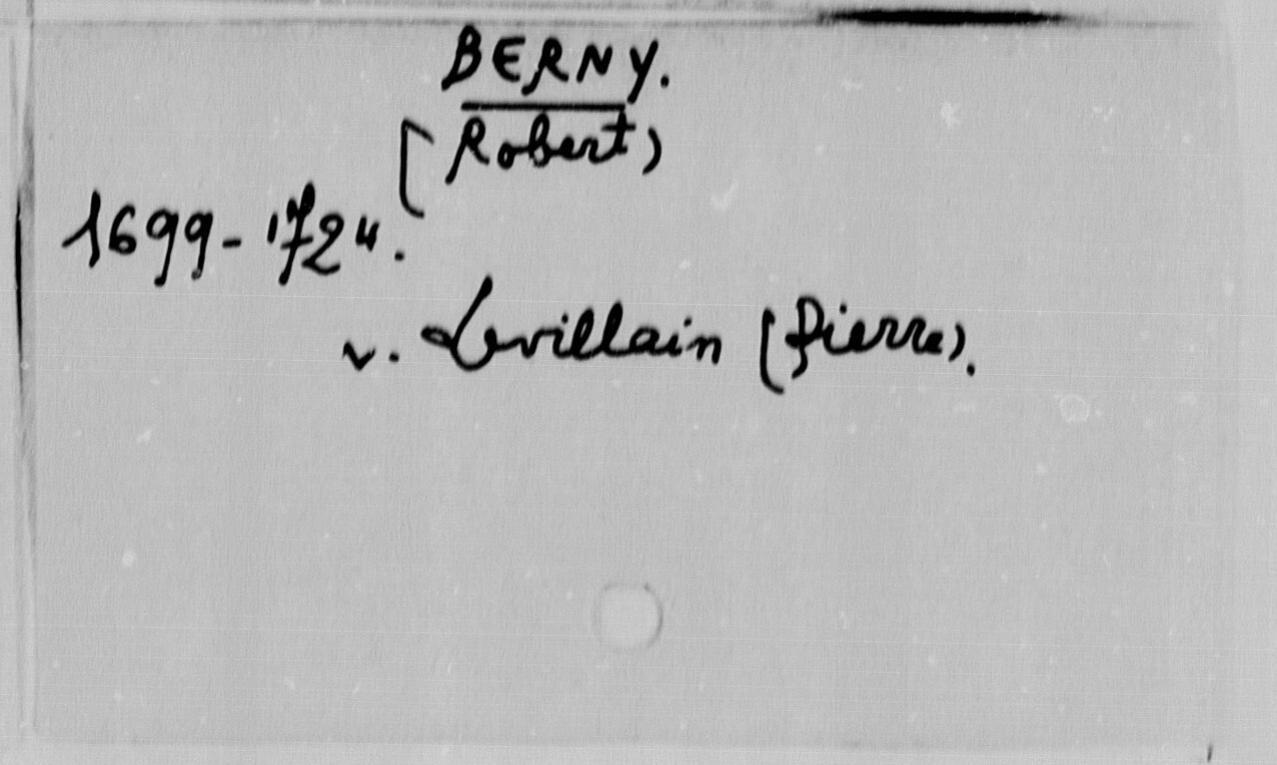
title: BERNY (Robert)
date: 1699-1724
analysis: Voir Levillain (Pierre)
